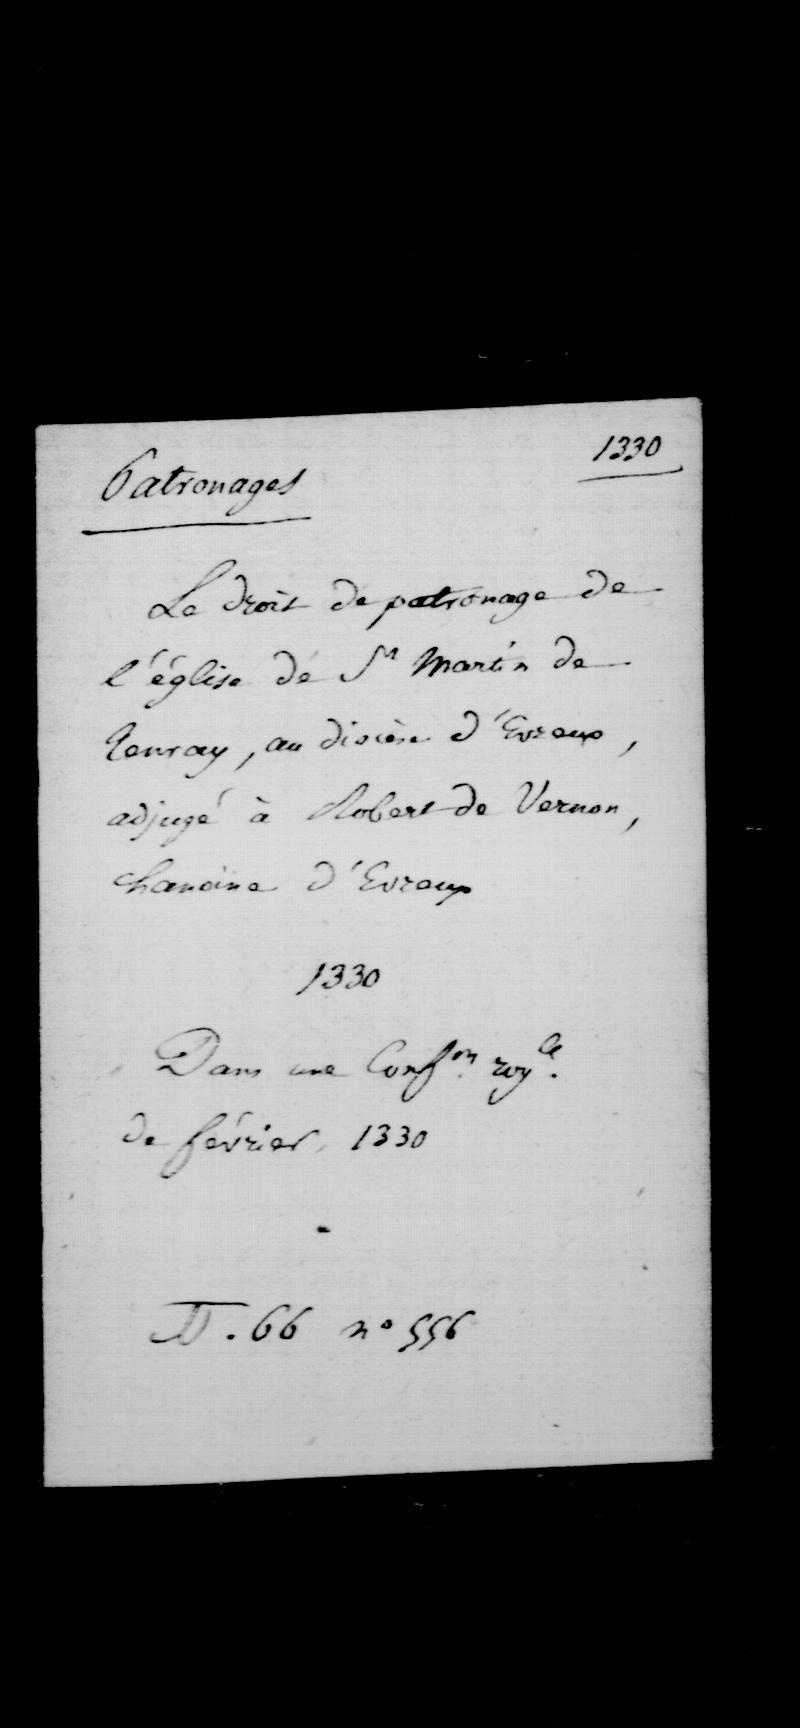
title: Patronages
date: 1330
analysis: Le droit de patronage de l'église de Saint Martin de Tenray, au diocèse d'Évreux, adjugé à Robert de Vernon, chanoine d'Évreux Dans une Confirmation royale de février 1330
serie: JJ
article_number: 66
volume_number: n° 556
